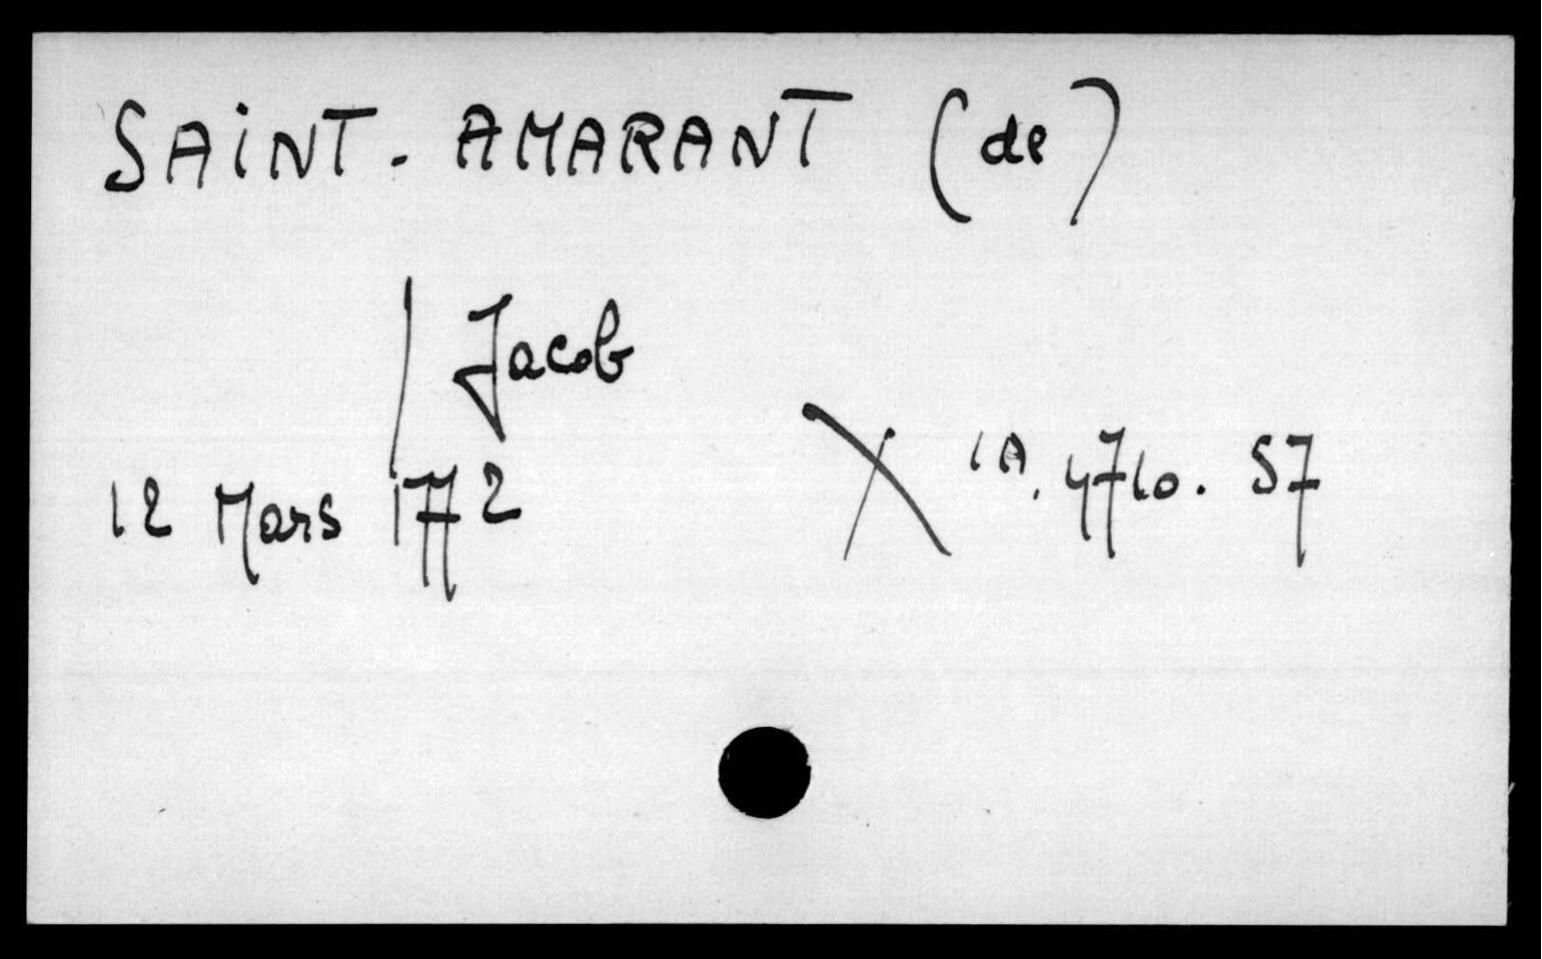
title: SAINT-AMARANT (de)
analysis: Contre Jacob
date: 12 mars 1772
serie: X1A
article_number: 4710
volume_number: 57
